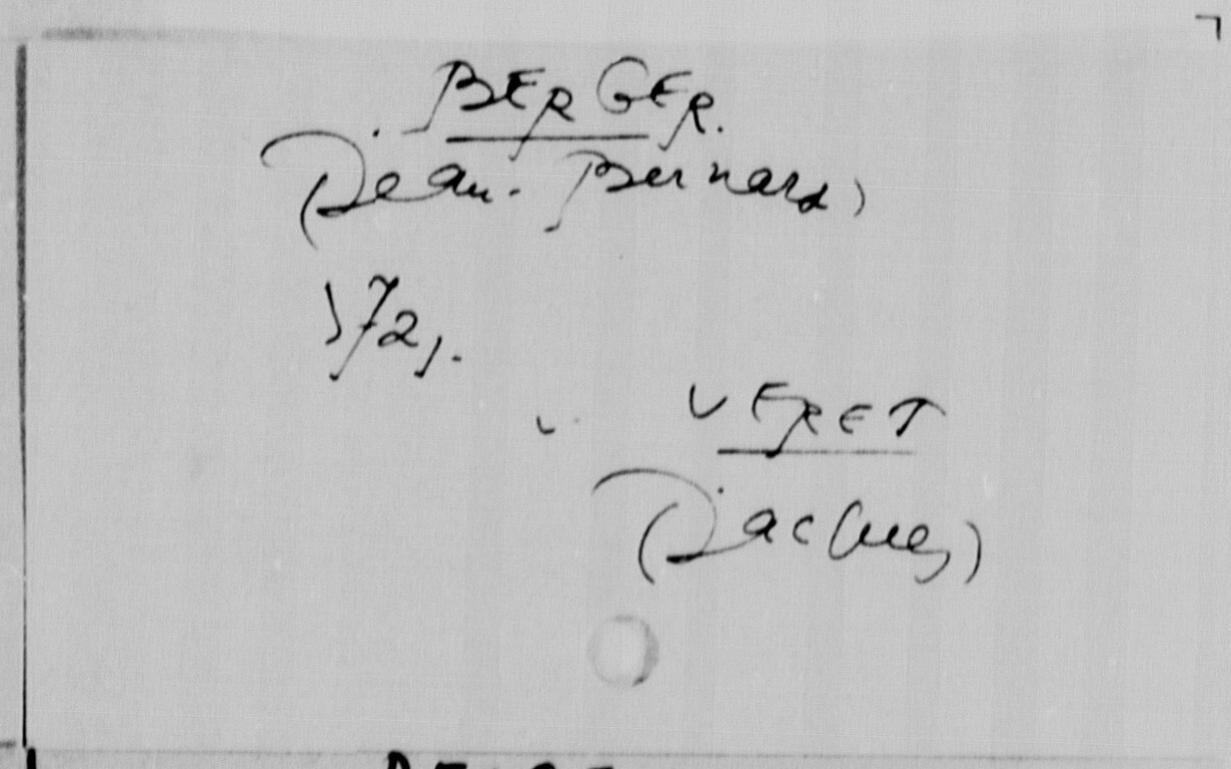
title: BERGER (Jean-Bernard)
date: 1721
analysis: Voir : VERET (Jacques)
